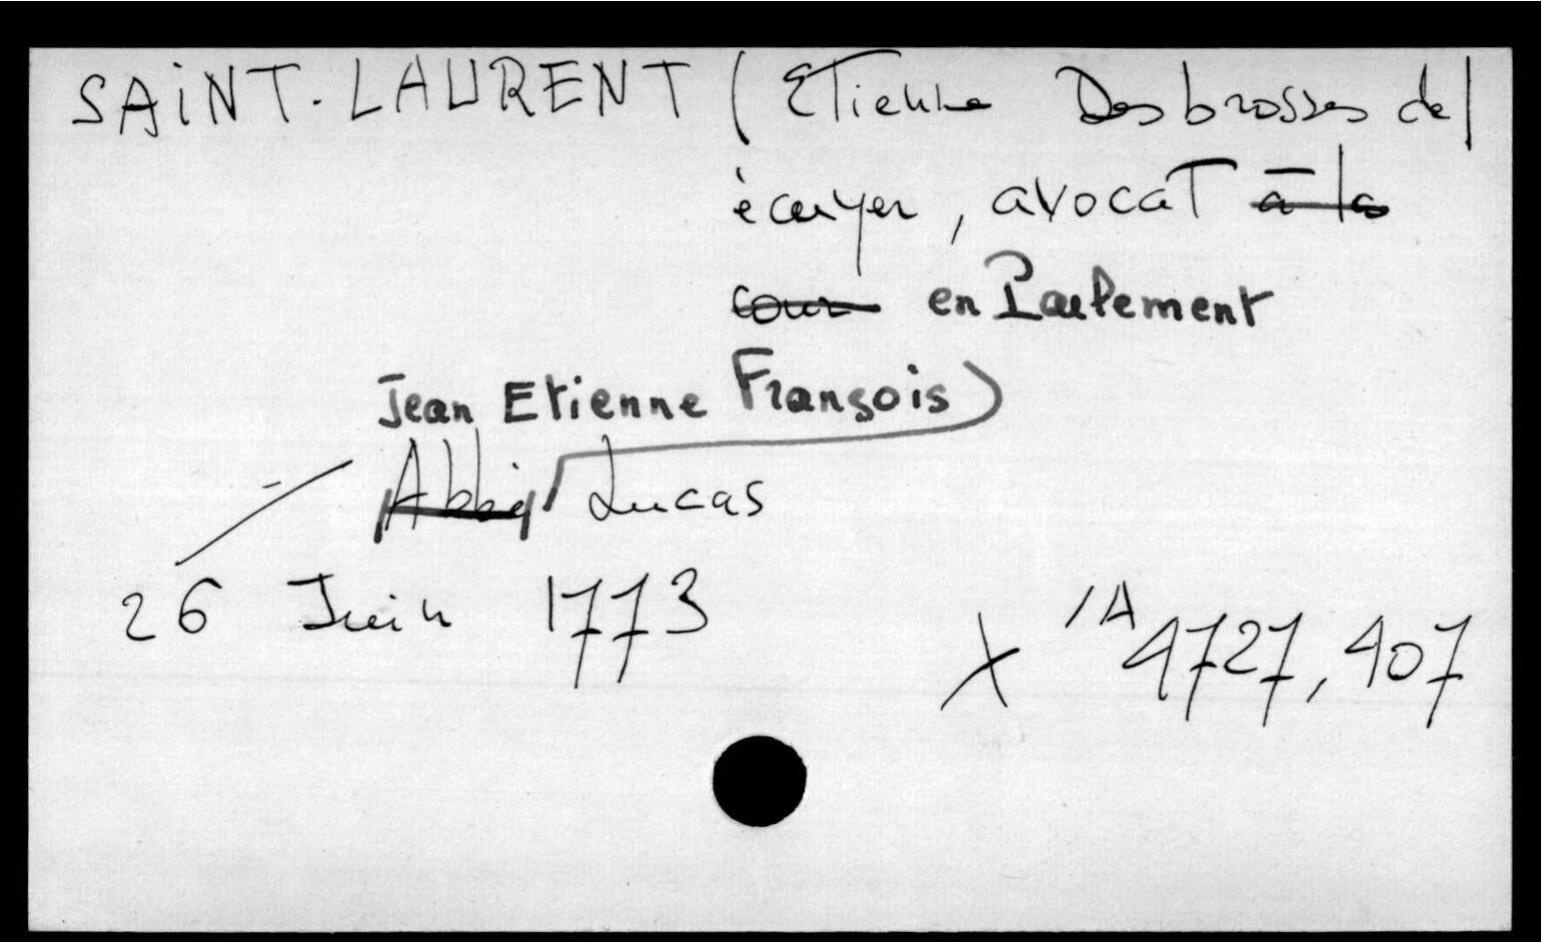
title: SAINT-LAURENT (Étienne Desbrosses de) écuyer, avocat en Parlement
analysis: Contre Jean Étienne François Lucas
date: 26 juin 1773
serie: X1A
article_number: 4727
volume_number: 407
